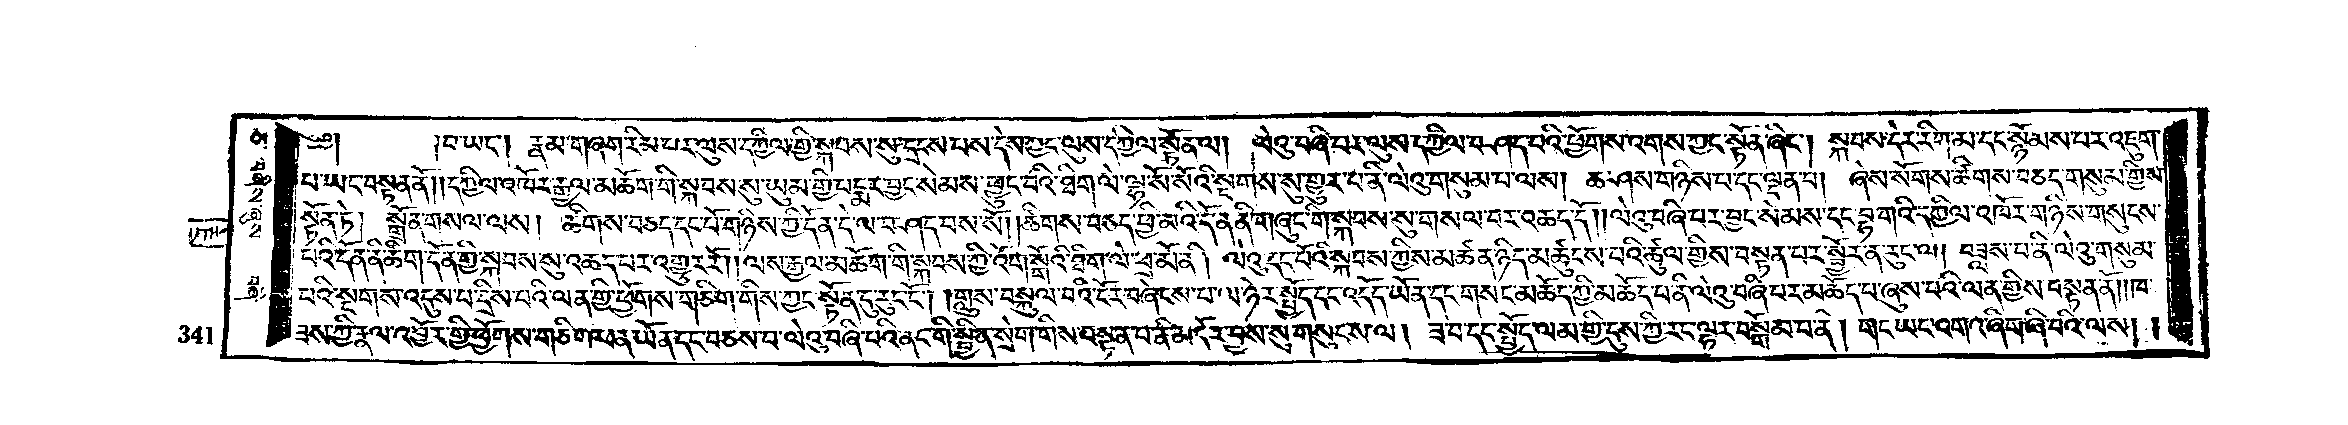༄༅། །པ་ཡང་། རྣམ་གཞག་རིམ་པར་ལུས་དཀྱིལ་གྱི་སྐབས་སུ་དྲངས་པས་དེས་ཀྱང་ལུས་དཀྱིལ་སྟོན་ལ། ལེའུ་བཞི་པར་ལུས་དཀྱིལ་བཤད་པའི་ཕྱོགས་འགས་ཀྱང་སྟོན་ཞིང་། སྐབས་དེར་རིག་མ་དང་སྙོམས་པར་འཇུག་
པ་ཡང་བསྟན་ནོ། །དཀྱིལ་འཁོར་རྒྱལ་མཆོག་གི་སྐབས་སུ་ཡུམ་གྱི་པདམར་བྱང་སེམས་ཕྱུང་བའི་ཐིག་ལེ་ལྷ་སོ་སོའི་སྔགས་སུ་གྱུར་བ་ནི་ལེའུ་གསུམ་པ་ལས། ཆ་ཤས་གཉིས་པ་དང་ལྡན་པ། ཞེས་སོགས་ཚིགས་བཅད་གསུམ་གྱིས་
སྟོན་ཏེ། སྒྲོན་གསལ་ལས། ཚིགས་བཅད་དང་པོ་གཉིས་ཀྱི་དོན་དེ་ལ་བཤད་པས་སོ། །ཚིགས་བཅད་ཕྱི་མའི་དོན་ནི་གཞུང་གི་སྐབས་སུ་གསལ་བར་འཆད་དོ། །ལེའུ་བཞི་པར་བྱང་སེམས་དང་བྷ་གའི་དཀྱིལ་འཁོར་གཉིས་གསུངས་
པའི་དོན་ནི་ཚིག་དོན་གྱི་སྐབས་སུ་འཆད་པར་འགྱུར་རོ། །ལས་རྒྱལ་མཆོག་གི་སྐབས་ཀྱི་འོག་སྒོའི་ཐིག་ལེ་ཕྲ་མོ་ནི། ལེའུ་དང་པོའི་སྐབས་ཀྱིས་མཚན་ཉིད་མཚུངས་པའི་ཚུལ་གྱིས་བསྟན་པར་སྦྱོར་ན་རུང་ལ། བཟླས་པ་ནི་ལེའུ་གསུམ་
པའི་སྔགས་འདུས་པ་དྲིས་པའི་ལན་གྱི་ཕྱོགས་གཅིག་གིས་ཀྱང་སྟོན་དུ་རུང་ངོ། །གླུས་བསྐུལ་བའི་ངོར་བཞེངས་པ་ལ་ཉེར་སྤྱོད་དང་འདོད་ཡོན་དང་གསང་མཆོད་ཀྱི་མཆོད་པ་ནི་ལེའུ་བཞི་པར་མཆོད་པ་ཞུས་པའི་ལན་གྱིས་བསྟན་ནོ། །ཁ་
ཟས་ཀྱི་རྣལ་འབྱོར་གྱི་ཕྱོགས་གཅིག་ཕན་ཡོན་དང་བཅས་པ་ལེའུ་བཞི་པའི་ནང་གི་སྦྱིན་སྲེག་གིས་བསྟན་པ་ནི་མདོར་བྱས་སུ་གསུངས་ལ། ཟབ་དང་སྤྱོད་ལམ་གྱི་དུས་ཀྱི་རང་ལྷར་བསྒོམ་པ་ནི། གང་ཡང་འགའ་ཞིག་ཞི་བའི་ལས། །